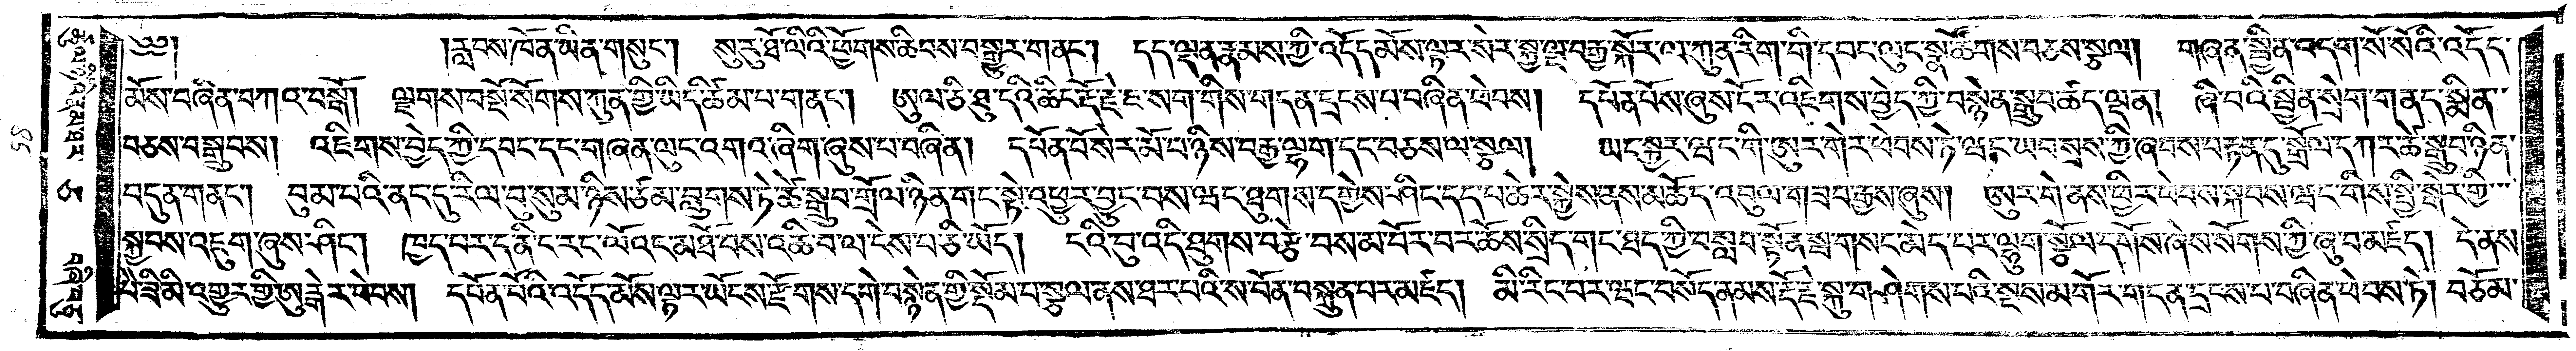༄༅། །རླབས་ཁོ་ན་ཡིན་གསུང་། སུ་རུ་ཐོ་ལིའི་ཕྱོགས་ཆིབས་བསྒྱུར་གནང་། དད་ལྡན་རྣམས་ཀྱི་འདོད་མོས་ལྟར་སེར་སྐྱ་ལྔ་བརྒྱ་སྐོར་ལ་ཀུན་རིག་གི་དབང་ལུང་སྣ་ཚོགས་བཅས་སྩལ། གཞན་སྦྱིན་བདག་སོ་སོའི་འདོད་
མོས་བཞིན་བཀའ་བསྒོ། ལྗགས་བསྔོ་སོགས་ཀུན་གྱི་ཡིད་ཚིམ་པ་གནང་། ཨུལ་ཅི་ཐུ་དའི་ཆིང་རྡོ་རྗེ་ཇ་སག་གིས་གདན་དྲངས་བ་བཞིན་ཕེབས། དཔོན་བོས་ཞུས་ངོར་འཇིགས་བྱེད་ཀྱི་བསྙེན་སྒྲུབ་ཚད་ལྡན། ཞི་བའི་སྦྱིན་སྲེག་གནད་སྨིན་
བཅས་བསྒྲུབས། འཇིགས་བྱེད་ཀྱི་དབང་དང་གཞན་ལུང་འགའ་ཞིག་ཞུས་པ་བཞིན། དཔོན་བོས་ར་མོ་བ་ཉིས་བརྒྱ་ལྷག་དང་བཅས་ལ་སྩལ། ཡང་སྐྱར་ཝང་གི་ཨུར་གེར་ཕེབས་ཏེ་ཝང་ཡབ་སྲས་ཀྱི་ཞབས་བརྟེན་དུ་སྒྲོལ་དཀར་ཚེ་སྒྲུབ་ཉིན་
བདུན་གནང་། བུམ་པའི་ནང་དུ་རིལ་བུ་སུམ་ཉིས་ཙམ་བླུགས་ཏེ་ཚེ་སྒྲུབ་གྲོལ་ཉིན་གང་སྟེ་འཕྱུར་བྱུང་བས་ཝང་ཐུགས་དགྱེས་ཤིང་དད་པ་ཆེར་སྐྱེས་ནས་མ་ཆོད་འབུལ་གཟབ་རྒྱས་ཞུས། ཨུར་གེ་ནས་ཕྱིར་ཕེབས་སྐབས་ཝང་གིས་སྤྱི་སྒེར་གྱི་
སྐྱབས་འཇུག་ཞུས་ཤིང་། ཁྱད་པར་ད་ནི་ང་རང་ལོའང་མཐོ་བས་འཆི་བ་ལ་ངེས་བ་ཅི་ཡོད། ངའི་བུ་འདི་ཐུགས་བརྩེ་བས་མ་བོར་བར་ཆོས་སྲིད་གང་ཐད་ཀྱི་བསླབ་སྟོན་སྦ་གསང་མེད་པར་ལྷུག་སྩོལ་དགོས་ཞེས་སོགས་ཀྱི་ཞུ་བ་མཛད། དེ་ནས་
པཻ་ཟི་མི་འགྱུར་གྱི་ཨུརྒེར་ཕེབས། དཔོན་པོའི་འདོད་མོས་ལྟར་ཡོངས་རྫོགས་དགེ་བསྙེན་གྱི་སྡོམ་པ་སྩལ་ནས་ཐར་བའི་ས་བོན་བསྐྲུན་པར་མཛད། མི་རིང་བར་ཝང་བསོད་ནམས་རྡོ་རྗེ་སྐུ་གཤེགས་པའི་སྔས་མགོར་གདན་དྲངས་པ་བཞིན་ཕེབས་ཏེ། བཅོམ་